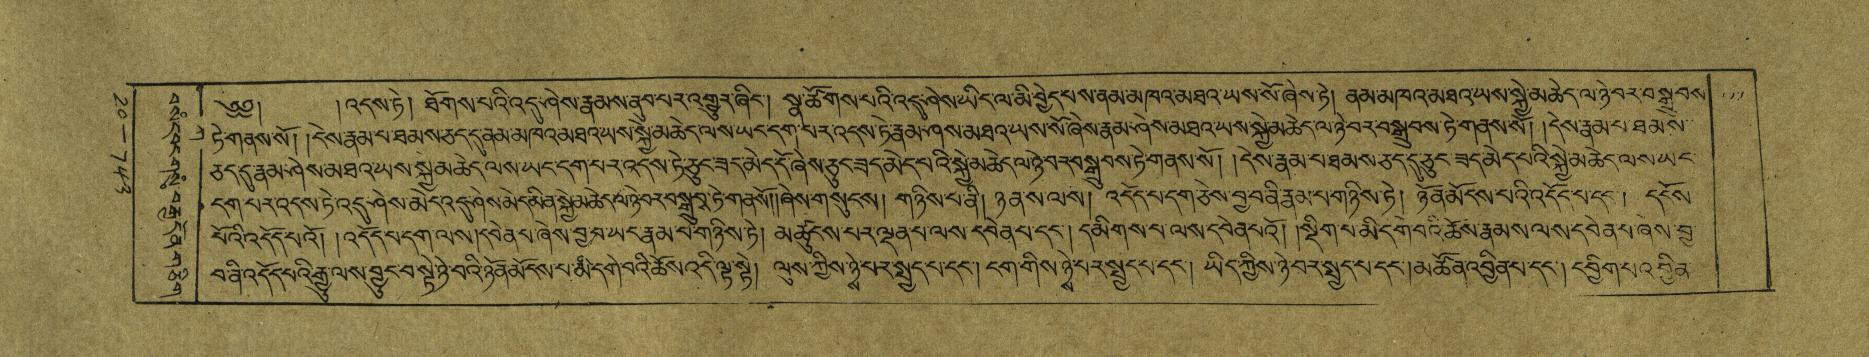༄༅། །འདས་ཏེ། ཐོགས་པའི་འདུ་ཤེས་རྣམས་ནུབ་པར་འགྱུར་ཞིང་། སྣ་ཚོགས་པའི་འདུ་ཤེས་ཡིད་ལ་མི་བྱེད་པས་ནམ་མཁའ་མཐའ་ཡས་སོ་ཞེས་ཏེ། ནམ་མཁའ་མཐའ་ཡས་སྐྱེ་མཆེད་ལ་ཉེ་བར་བསྒྲུབས་
ཏེ་གནས་སོ། །ངེས་རྣམ་པ་ཐམས་ཅད་དུ་ནམ་མཁའ་མཐའ་ཡས་སྐྱེ་མཆེད་ལས་ཡང་དག་པར་འདས་ཏེ་རྣམ་ཤས་མཐའ་ཡས་སོ་ཞེས་རྣམ་ཤེས་མཐའ་ཡས་སྐྱེ་མཆེད་ལ་ཉེ་བར་བསྒྲུབས་ཏེ་གནས་སོ། །དེས་རྣམ་པ་ཐམས་
ཅད་དུ་རྣམ་ཤེས་མཐའ་ཡས་སྐྱེ་མཆེད་ལས་ཡང་དག་པར་འདས་ཏེ་ཅུང་ཟད་མེད་དོ་ཞེས་ཅུང་ཟད་མེད་པའི་སྐྱེ་མཆེད་ལ་ཉེ་བར་བསྒྲུབས་ཏེ་གནས་སོ། །ངེས་རྣམ་པ་ཐམས་ཅད་དུ་ཅུང་ཟད་མེད་པའི་སྐྱེ་མཆེད་ལས་ཡང་
དག་པར་འདས་ཏེ་འདུ་ཤེས་མེད་འདུ་ཤེས་མེད་མིན་སྐྱེ་མཆེད་ལ་ཉེ་བར་བསྒྲུབས་ཏེ་གནསོ། །ཞེས་གསུངས། གཉིས་པ་ནི། ཉན་ས་ལས། འདོད་པ་དག་ཅེས་བྱ་བ་ནི་རྣམ་པ་གཉིས་ཏེ། ཉོན་མོངས་པའི་འདོད་པ་དང་། དངོས་
པོའི་འདོད་པའོ། །འདོད་པ་དག་ལས། དབེན་པ་ཞེས་བྱ་བ་ཡང་རྣམ་པ་གཉིས་ཏེ། མཚུངས་པར་ལྡན་པ་ལས་དབེན་པ་དང་། དམིགས་པ་ལས་དབེན་པའོ། །སྡིགས་པ་མི་དགེ་བའི་ཆོས་རྣམས་ལས་དབེན་པ་ཞེས་བྱ་
བ་ནི་འདོད་པའི་རྒྱུ་ལས་བྱུང་བ་སྟེ་ཉེ་བའི་ཉོན་མོངས་པ་མི་དགེ་བའི་ཆོས་འདི་ལྟ་སྟེ། ལུས་ཀྱིས་ཉེས་པར་སྤྱད་པ་དང་། ངག་གིས་ཉེས་པར་སྤྱད་པ་དང་། ཡིད་ཀྱིས་ཉེ་བར་སྤྱད་པ་དང་། མཚོན་འབྱིན་པ་དང་། དབྱིག་པ་འབྱིན་